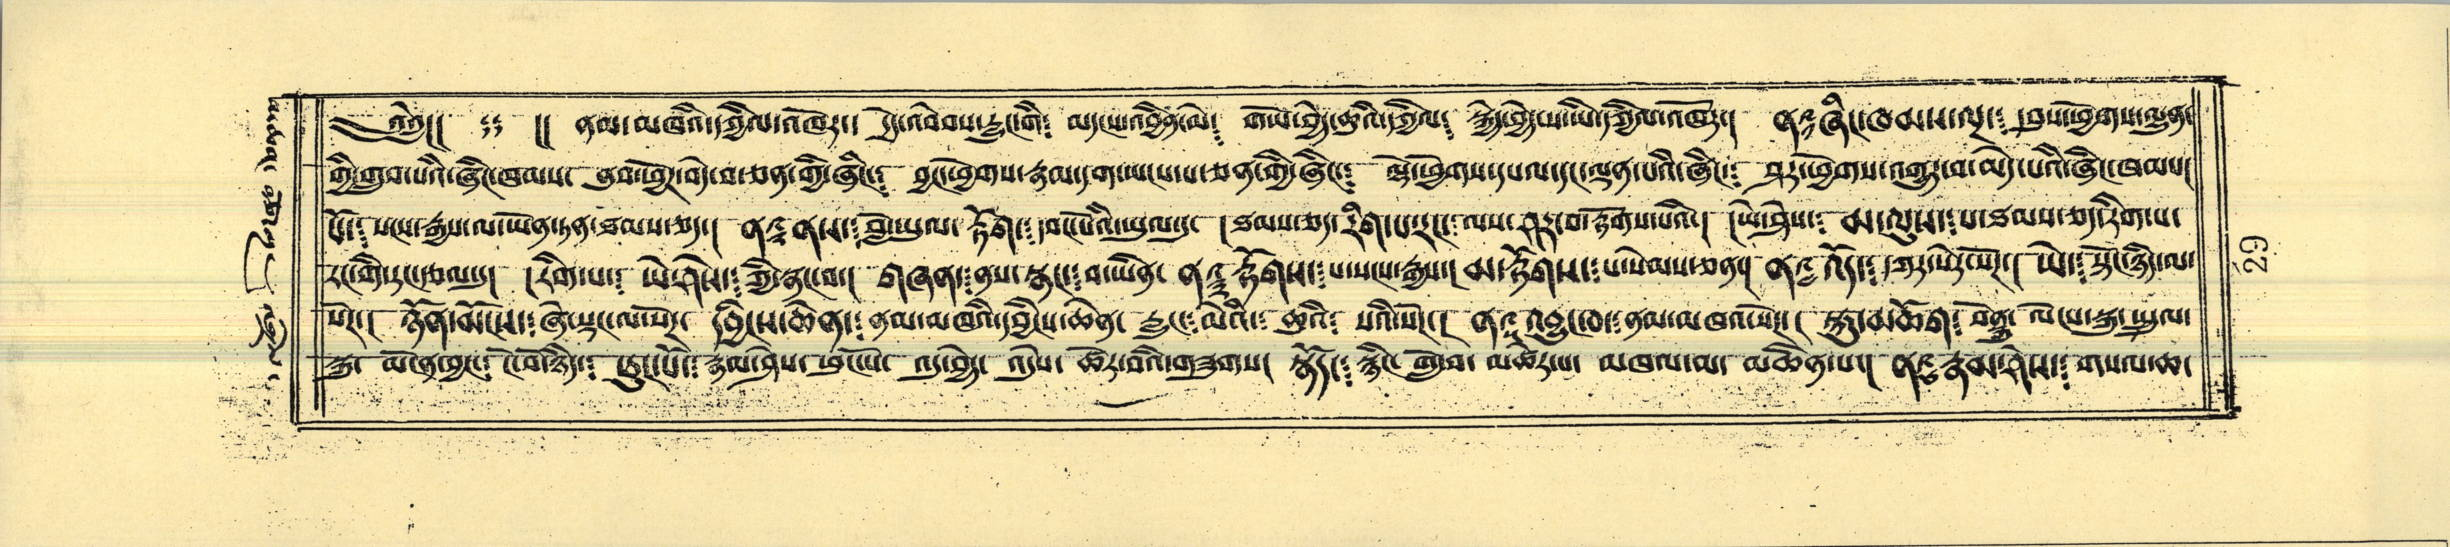༼ནམ་མཁའི་དཀྱིལ་འཁོར་དྲོད་འབེབས་ཀྱི་རླུང་གི་དཀྱིལ་འཁོར་མདངས་འབྱིན་མེ་ཡི་དཀྱིལ་འཁོར་གཡོ་བྱེད་ཆུ་ཡི་དཀྱིལ་འཁོར་སྐྱེད་བྱེད་ས་ཡི་དཀྱིལ་འཁོར༽ན༩།༡ ཞིང་ཁམས་ལྔ༑༼དབུས་ཕྱོགས་ལྷུན་
གྱིས་གྲུབ་པའི་ཞིང་ཁམས་ནུབ་ཕྱོགས་བདེ་བ་ཅན་གྱི་ཞིང་ཁམས་བྱང་ཕྱོགས་རྣམ་དག་ཡངས་པ་ཅན་གྱི་ཞིང་ཁམས་ལྷོ་ཕྱོགས་དཔལ་དང་ལྡན་པའི་ཞིང་ཁམས་ཤར་ཕྱོགས་འགྱུར་བ་མེད་པའི་ཞིང་ཁམས།
པོ༑ སངས་རྒྱས་ལ་ཡོན་ཏན་ཐམས་ཅད༽ ན༩།༢ ནས༑༼བློ་ཡུལ་༽རྟོག༑༼དབང་པོའི་ཡུལ་དུ་ཐམས་ཅད༽རིག་པ་རང་༑ ༼ལས་༽ཤར་བ༑ ༼རྟོགས་པའི་ཡེ་ཤེས༽མ་ལུས་པ༑༼པ་ཐམས་ཅད་རིག་པ་
རང་གི་རྩལ་དུ་རིག་པ་༽ཡེ་ཤེས༑༼ཀྱི་སྣང་བ༽གཞན༑༼ནས༽སྣང་༑༼བ་ཡིན༽ན༩།༣ རྟོགས༑༼པ་སངས་རྒྱས༽མ་རྟོགས༑༼པ་སེམས་ཅན༽ན༩།༤ འོད༑༼དཀར་སེར་སོགས༽ཡེ༑༼སྟོང་ཉིད་ལ་
སོགས༽ཉོན་མོངས་༼ཞེ་སྡང་ལ་སོགས༽དབྱིངས་ཆེན་༼ནམ་མཁའི་དབྱིངས་ཆེན་རླུང་མེའི་ཆུའི་སའི་སོགས༽ན༩།༣ འབྱུང་བ༑༼ནམ་མཁའ་སོགས༽སྐུ་མཆོིག༑ ༼བོན་སྐུ་ལོངས་སྐུ་སྤྲུལ་
སྐུ་མངོན་བྱང་ངོ་བོ་ཉིད༽ཕུང་པོ༑ ༼རྣམ་ཤེས་ཕུང་པོ་འདུ་བྱེད་འདུ་ཤེས་ཚོར་བའི་གཟུགས༽སྣོད༑༼སྙིང་གློ་བ་མཚེར་པ་མཁལ་མ་མཚིན་པ༽ ན༩།༦ རྣམ་ཤེས༑༼གསལ་ཆ༽